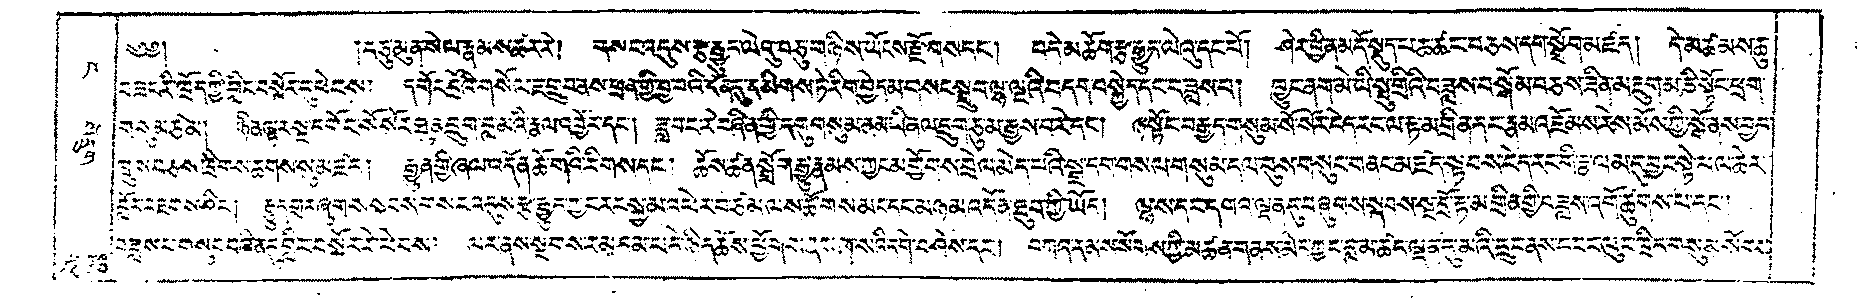༄༅། །བཅུ་མུན་སེལ་རྣམས་ཚར་རེ། གསང་འདུས་རྩ་རྒྱུད་ལེའུ་བཅུ་གཉིས་ཡོངས་རྫོགས་དང་། བདེ་མཆོག་རྩ་རྒྱུད་ལེའུ་དང་པོ། ཤེར་ཕྱིན་མདོ་སྡུད་པ་ཆ་ཚང་བཅས་དག་སྒྲོག་མཛད། དེ་མཚམས་ཆུ་
བཟང་རི་ཁྲོད་ཀྱི་གླིང་བསྐོར་དུ་ཕེབས། དགོང་དྲོའི་གསོལ་ཇ་གྲུབ་ནས་ཕྲན་གྱི་བྱ་བའི་དོན་དུ་དམིགས་ཏེ་རིག་བྱེད་མ་གསང་སྒྲུབ་ལྷ་ལྔའི་བདག་བསྐྱེད་དང་བཟླས་པ། ཁྱུང་ནག་མེ་ཡི་སྤུ་གྲིའི་བཟླས་བསྒོམ་བཅས་ཟིན་མཇུག་མ་ཎི་སྟོང་ཕྲག་
གསུམ་ཙམ། ཉིན་ལྟར་སྔ་དགོང་སོ་སོར་ཐུན་དྲུག་བླ་མའི་རྣལ་འབྱོར་དང་། ཟླ་བང་རེ་བཞིན་གྱི་དགུ་གསུམ་ནམ་ཡིན་ལ་དྲུག་ཅུ་མ་རྒྱས་པ་རེ་དང་། ཉ་སྟོང་བརྒྱད་གསུམ་སོ་སོར་ངེད་རང་ལ་རྟ་མགྲིན་དང་རྣམ་འཇོམས་རེས་མོས་ཀྱི་སྒོ་ནས་བྱ་བ་
ཁྲུས་བཅས་ཁྲིགས་ཆགས་སུ་མཛད། རྒྱུན་གྱི་ཞལ་འདོན་ཆོ་གའི་རིགས་དང་། ཆོས་ཚན་སྒྲོག་རྒྱུ་རྣམས་ཀྱང་མགྱོགས་བྲེལ་མེད་པའི་སྒྲ་དག་གསལ་གསུམ་དལ་བུས་གསུང་གནང་མཛད་སྟབས་ངེད་རང་གི་རྣ་ལམ་དུ་བྱང་སྟེ་ཕལ་ཆེར་
བློར་འཇགས་ཤིང་། རྒྱུད་གྲར་ཞུགས་སྐབས་གསང་འདུས་རྩ་རྒྱུད་ཀྱང་རང་སྐྱ་མ་འཕེར་བ་ཙམ་ལས་ཚོགས་མང་དང་མཉམ་འདོན་ཐུབ་ཀྱི་ཡོད། ལྷ་ས་དང་དགའ་ལྡན་དུ་བཞུགས་སྐབས་སྔ་དྲོ་རྟ་མགྲིན་གྱི་བཟླས་འགོ་ཚུགས་པ་དང་།
བཟླས་པ་གསུང་བཞིན་དུ་གླིང་བསྐོར་རེ་ཕེབས། ལར་ནས་སྔགས་རམ་དམ་པ་དེ་ཉིད་ཆོས་ཕྱོགས་ནས་ག་སའི་དགེ་བཤེས་དང་། བཀའ་རམས་སོགས་ཀྱི་མཚན་གནས་མེད་ཀྱང་བླ་མ་ཚད་ལྡན་དུ་མའི་དྲུང་ནས་དབང་ལུང་ཁྲིད་གསུམ་སོགས་